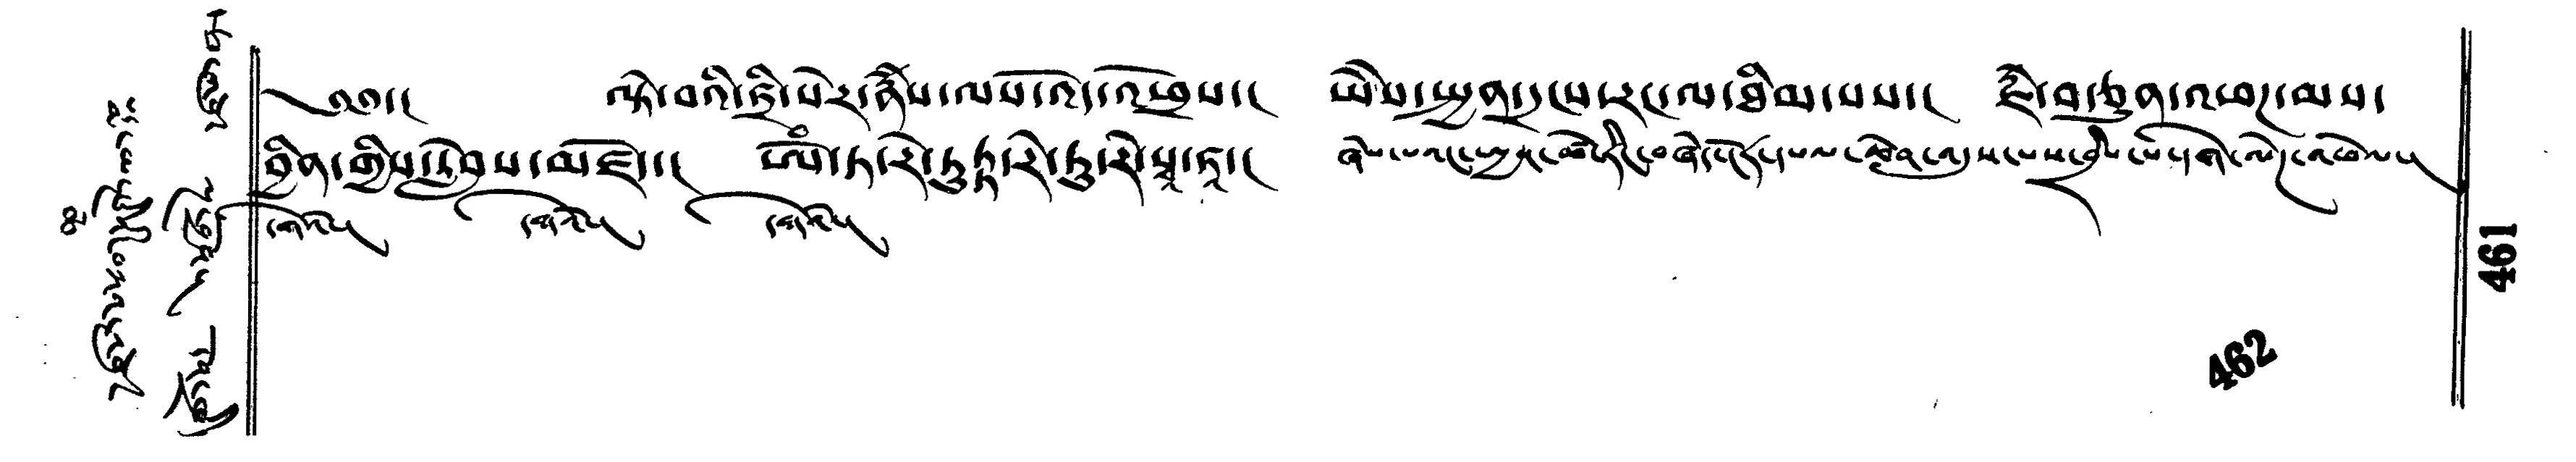།ལྟེ་བའི་ཧྲཱིཿསེར་རྣམས་ལས་འོད་འཕྲོས། །ཡེ་ཤེས་སྤྱན་དྲངས་རང་ལ་ཐིམ་པས། །རྗེ་བཙུན་འཕགས་མས་
བྱིན་གྱིས་རློབས་མཛོད། ཨོཾ་ཏ་རེ་ཏུཏྟ་རེ་ཏུ་རེ་སྭ་ཧཱཿ ཞེས་པའང་ཨོ་རྒྱན་ཚེ་རིང་གི་བཞེད་ངོར་དཔལ་ཆེན་འདུས་པས་བྲིས་པ་དགེ་ལེགས་འཕེལ།
 དགེའོ།། དགེའོ།། དགེའོ།།